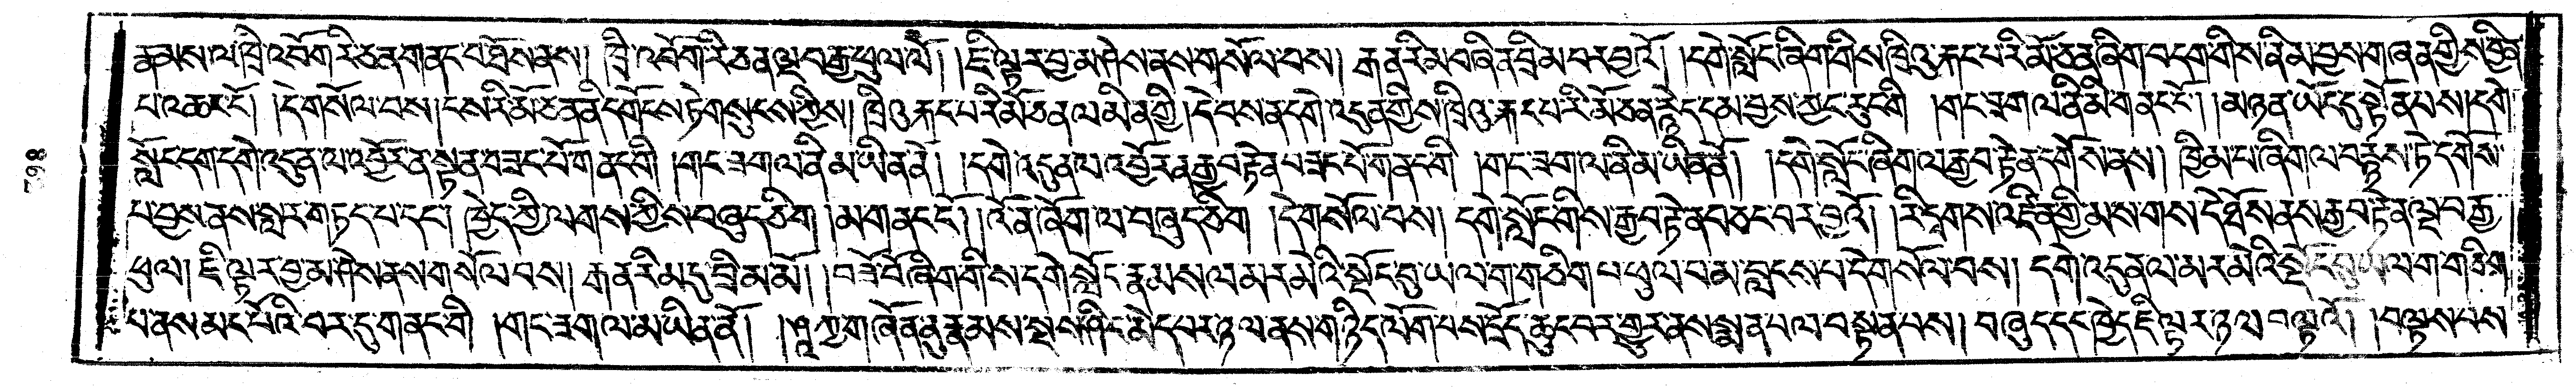རྣམས་ལ་ཁྲི་འབོག་རི་ཅན་གནང་བ་ཐོས་ནས། ཁྲི་འབོག་རི་ཅན་ལྔ་བརྒྱ་ཕུལ་ལོ། །ཇི་ལྟར་བྱ་མ་ཤེས་ནས་གསོལ་བས། རྒན་རིམ་བཞིན་བྲིམ་བར་བྱའོ། །དགེ་སློང་ཞིག་གིས་ཁྲིའུ་རྐང་པ་རི་མོ་ཅན་ཞིག་བདག་གིས་ནི་མ་བྱས་གཞན་གྱིས་བྱིན་
པ་འཆང་ངོ། །དེ་གསོལ་བས། ངས་རི་མོ་ཅན་ནི་དགོངས་ཏེ་གསུངས་ཀྱིས། ཁྲིའུ་རྐང་པ་རི་མོ་ཅན་ལ་མིན་གྱི། དེ་བས་ན་དགེ་འདུན་གྱིས་ཁྲིའུ་རྐང་པ་རི་མོ་ཅན་རྙེད་དམ་བྱས་ཀྱང་རུང་གི །གང་ཟག་ལ་ནི་མི་གནང་ངོ། །མཉན་ཡོང་དུ་སྟོན་པས། དགེ་
སློང་དག་དགེ་འདུན་ལ་འབྱོར་ན་སྟན་བཟང་པོ་གནང་གི །གང་ཟག་ལ་ནི་མ་ཡིན་ནོ། །དགེ་འདུན་ལ་འབྱོར་ན་རྒྱབ་རྟེན་བཟང་པོ་གནང་གི །གང་ཟག་ལ་ནི་མ་ཡིན་ནོ། །དགེ་སློང་ཞིག་ལ་རྒྱབ་རྟེན་དགོས་ནས། ཁྱིམ་པ་ཞིག་ལ་བརྙས་ཏེ་དགོས་
པ་བྱས་ནས་སླར་གཏད་པ་དང་། ཁྱེད་ཀྱི་ལགས་ཀྱིས་བཞུད་ཅིག །མ་གནང་ངོ། །འོ་ན་ཞོག་ལ་བཞུད་ཅིག །དེ་གསོལ་བས། དགེ་སློང་གིས་རྒྱབ་རྟེན་བཅང་བར་བྱའོ། །རི་དྭགས་འཛིན་གྱི་མས་གས་དེ་ཐོས་ནས་རྒྱབ་རྟེན་ལྔ་བརྒྱ་
ཕུལ། ཇི་ལྟར་བྱ་མ་ཤེས་ནས་གསོལ་བས། རྒན་རིམ་དུ་བྲིམ་མོ། །བཟོ་བོ་ཞིག་གི་ས་དགེ་སློང་རྣམས་ལ་མར་མེའི་སྡོང་བུ་ཡལ་ག་གཅིག་པ་ཕུལ་བ་མ་བླངས་པ་དེ་གསོལ་བས། དགེ་འདུན་ལ་མར་མེའི་སྡོང་བུ་ཡལ་ག་གཅིག་
པ་ནས་མང་པོའི་བར་དུ་གནང་གི །གང་ཟག་ལ་མ་ཡིན་ནོ། །ཤཱཀྱ་གཞོན་ནུ་རྣམས་སྡས་ཤིང་མེད་པར་ཉལ་ནས་གཉིད་ལོག་པས་དྲོད་ཆུང་བར་གྱུར་ནས་སྨན་པ་ལ་བསྟན་པས། བཞུད་དང་ཁྱེད་ཇི་ལྟར་ཉལ་བལྟའོ། །བལྟས་པས་